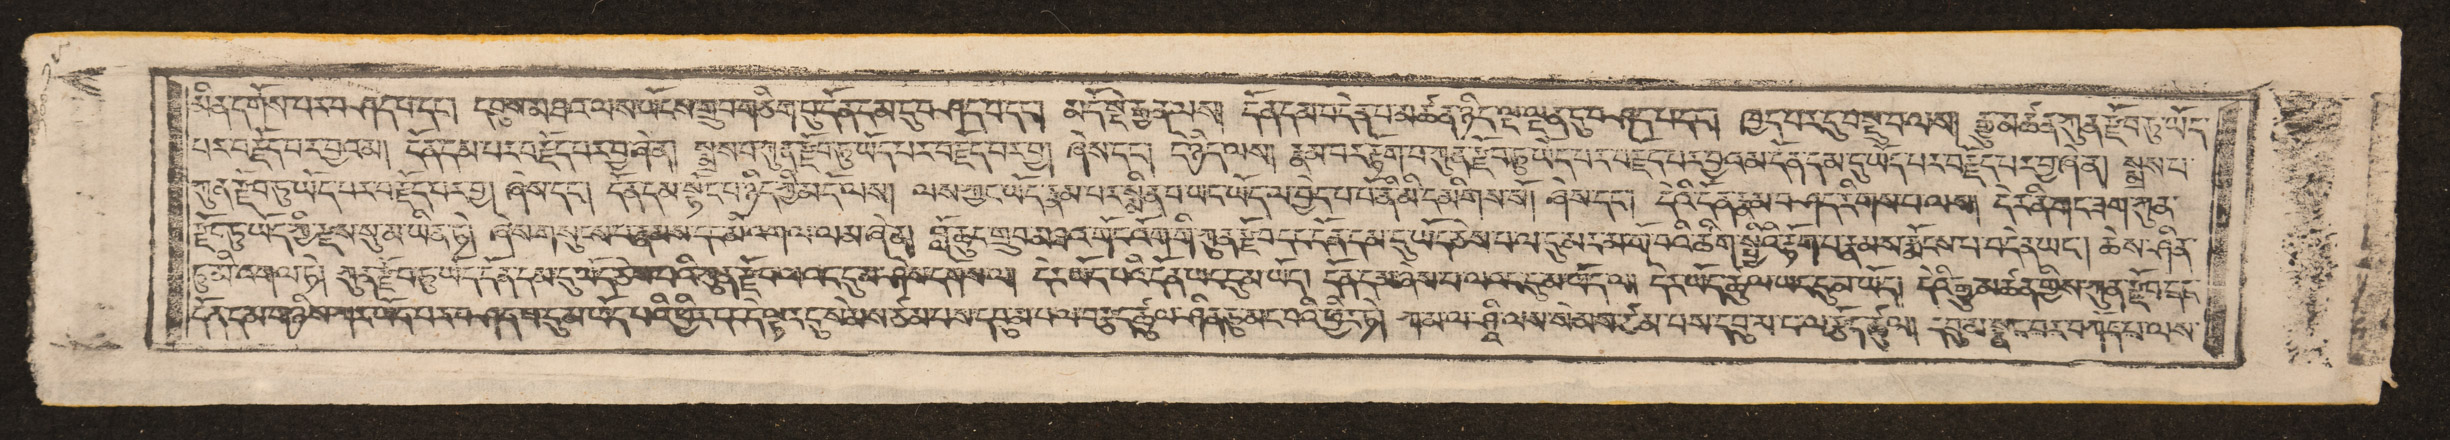མིན་དགོས་པར་བཤད་པ་དང་། དབུས་མཐའ་ལས་ཡོངས་གྲུབ་གཅིག་བུ་དོན་དམ་དུ་བཤད་པ་དང་། མདོ་སྡེ་རྒྱན་ལས། དོན་དམ་བདེན་པ་མཚན་ཉིད་ལྔ་ལྡན་དུ་བཤད་པ་དང་། ཁྱད་པར་དུ་བསྡུ་བ་ལས། རྒྱུ་མཚན་ཀུན་རྫོབ་ཏུ་ཡོད་
པར་བརྗོད་པར་བྱའམ། དོན་དམ་པར་བརྗོད་པར་བྱ་ཞེ་ན། སྨྲས་པ་ཀུན་རྫོབ་ཏུ་ཡོད་པར་བརྗོད་པར་བྱ། ཞེས་དང་། དེ་ཉིད་ལས། རྣམ་པར་རྟོག་པ་ཀུན་རྫོབ་ཏུ་ཡོད་པར་བརྗོད་པར་བྱའམ་དོན་དམ་དུ་ཡོད་པར་བརྗོད་པར་བྱ་ཞེ་ན། སྨྲས་པ་
ཀུན་རྫོབ་ཏུ་ཡོད་པར་བརྗོད་པར་བྱ། ཞེས་དང་། དོན་དམ་སྟོང་པ་ཉིད་ཀྱི་མདོ་ལས། ལས་ཀྱང་ཡོད་རྣམ་པར་སྨིན་པ་ཡང་ཡོད་ལ་བྱེད་པ་པོ་ནི་མི་དམིགས་སོ། ཞེས་དང་། དེའི་དོན་རྣམ་བཤད་རིགས་པ་ལས། དེར་ནི་གང་ཟག་ཀུན་
རྫོབ་ཏུ་ཡོད་ཀྱི་རྫས་སུམ་ཡིན་ཏེ། ཞེས་གསུངས་པ་རྣམས་དང་མི་འགལ་ལམ་ཞེ་ན། བློ་ཆུང་གྲུབ་མཐའ་གོང་འོག་གི་ཀུན་རྫོབ་དང་དོན་དམ་དུ་ཡོད་ཅེས་པ་ལ་དུ་མར་མགོ་བའི་ཚིག་སྤྱིའི་རྟོག་པ་རྣམས་རྨོངས་པ་བདེན་ཡང་། ཆེས་ཤིན་
ཏུ་མི་འགལ་ཏེ། ཀུན་རྫོབ་ཏུ་ཡོད་དོན་དམ་དུ་ཡོད་ཅེས་པའི་ཀུན་རྫོབ་ལའང་དུ་མ་ཤེས་དགོས་ལ། དེར་ཡོད་པའི་དོན་ཡང་དུ་མ་ཡོད། དོན་དམ་ཞེས་པ་ལའང་དུ་མ་ཡོད་ལ། དེར་ཡོད་ཚུལ་ཡང་དུ་མ་ཡོད། དེའི་རྒྱུ་མཚན་གྱིས་ཀུན་རྫོབ་དང་
དོན་དམ་གཉིས་ཀར་ཡོད་པར་བཤད་པ་དུ་མ་ཡོད་པའི་ཕྱིར་དང་དེ་ལྟར་དུ་སེམས་ཙམ་པས་དབུ་མ་པ་ལ་བརྩད་ཚུལ་ཤིན་ཏུ་མང་བའི་ཕྱིར་ཏེ། ཀ་མ་ལ་ཤཱི་ལས་སེམས་ཙམ་པས་དབུ་མ་པ་ལ་རྩོད་ཚུལ། དབུ་མ་སྣང་བར་བཀོད་པ་ལས་